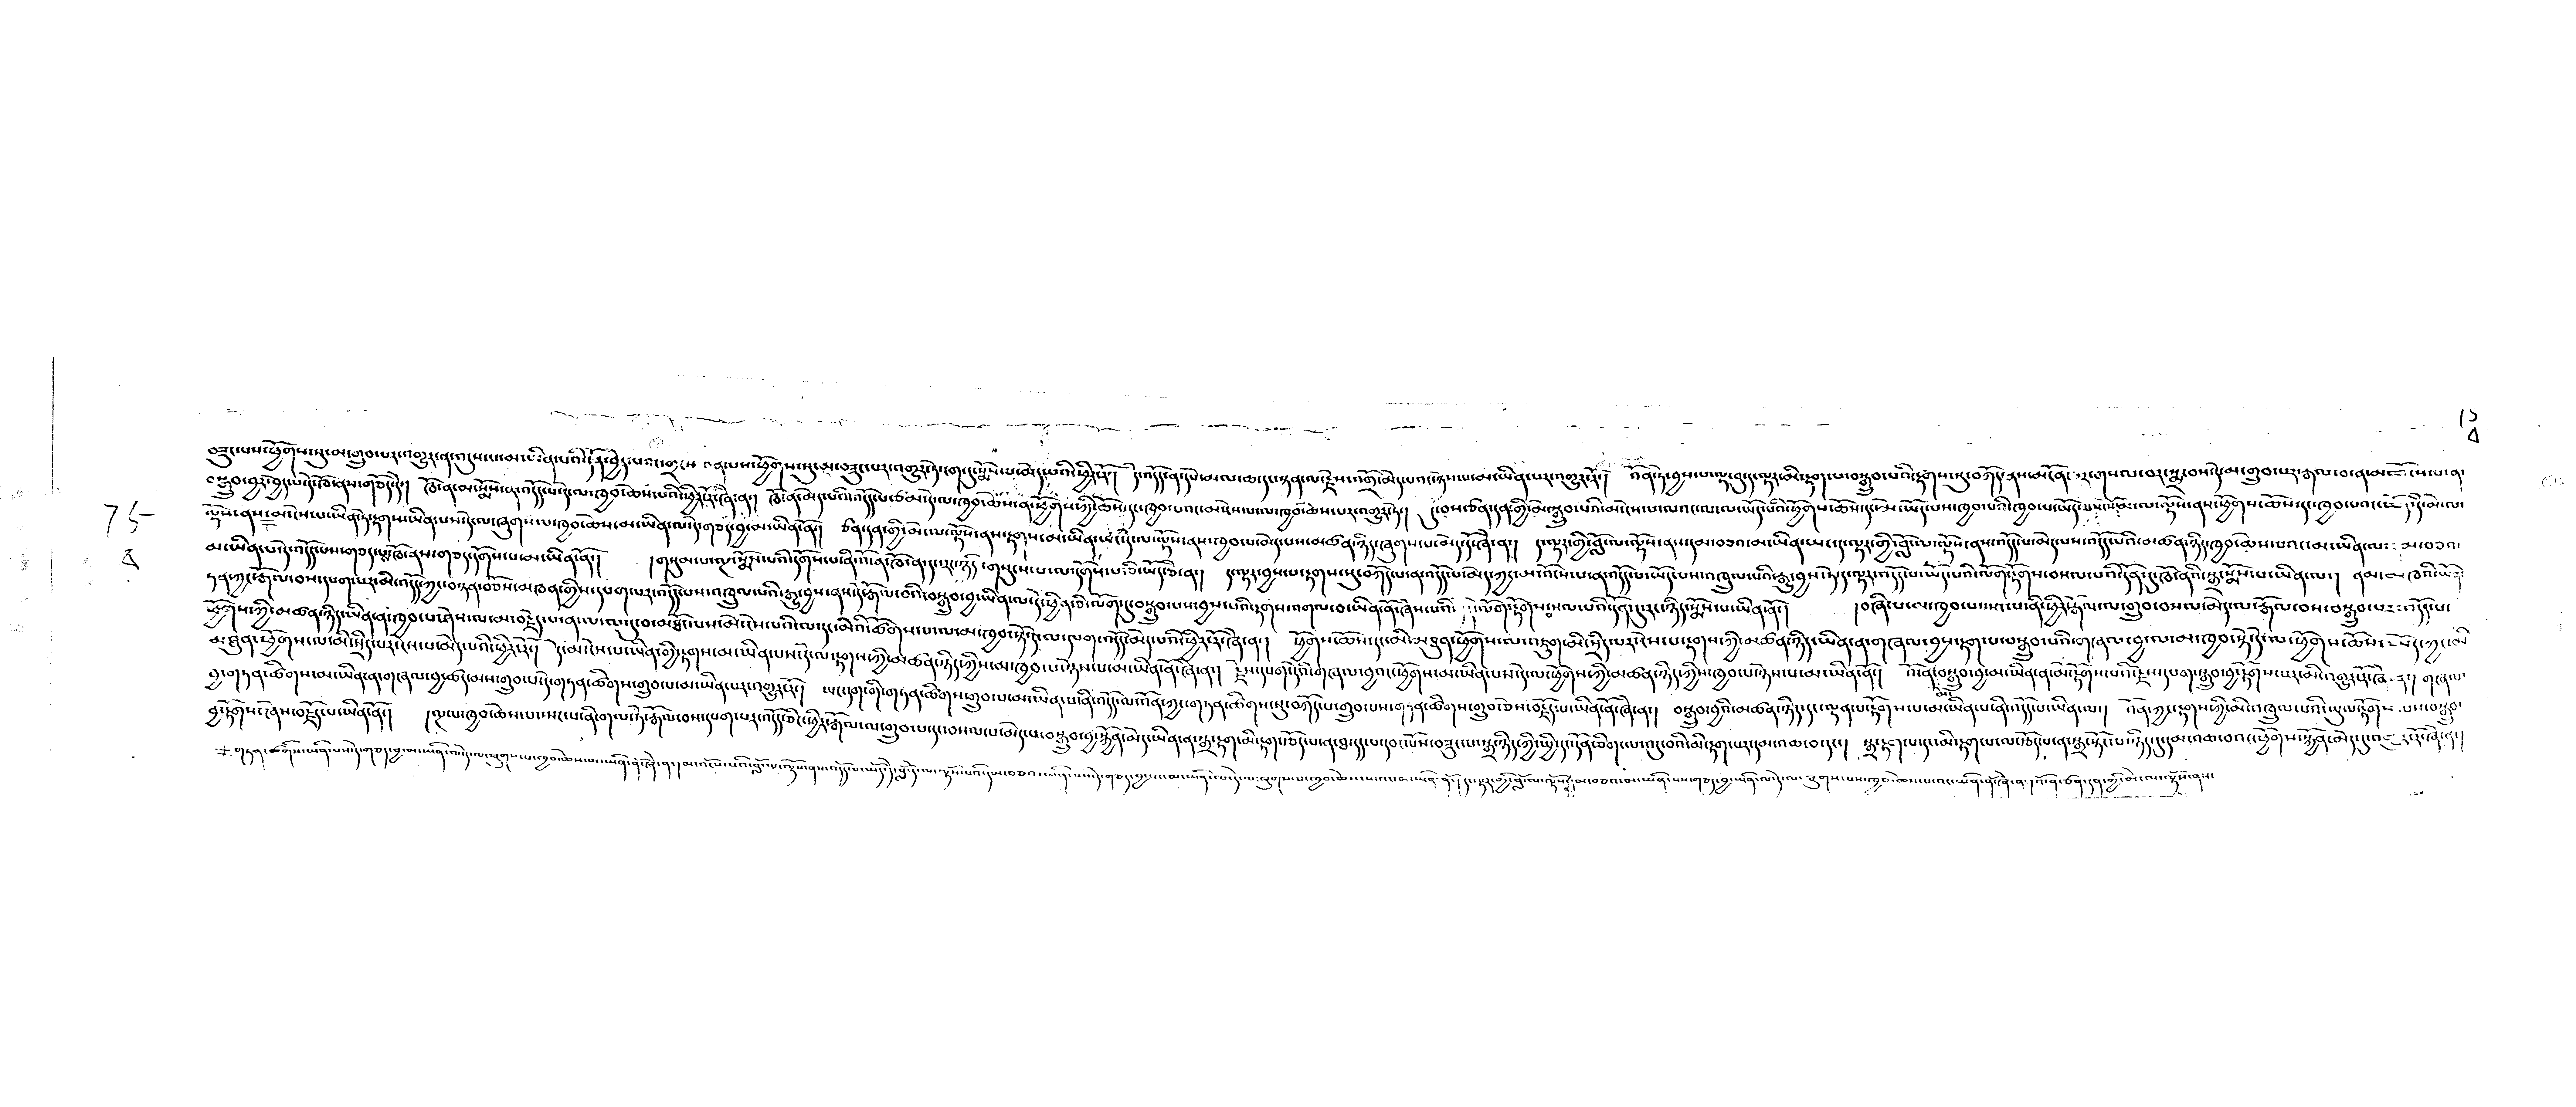བཟུང་པས་ཕྱོགས་སུ་མ་གྲུབ་པར་འགྱུར་ན་འདུས་པ་མ་ཡིན་པའི་དོན་བྱེད་པའི་གྲངས་ཅན་པས་ཕྱོགས་སུ་མ་བཟུང་པར་འགྱུར་ཏེ་ག་དུ་སྨོས་པ་མེད་པའི་ཕྱིར་རོ། དེ་འདོད་ན་དཔེ་མལ་ཆ་དང་སྟན་ལ་རྗེས་འགྲོ་མེད་པའང་ཉེས་པ་མ་ཡིན་པར་འགྱུར་རོ། འོན་ཏེ་བྱས་པ་ལྟ་བུ་ད་ལྟར་མི་རྟག་པ་བསྒྲུབ་པའི་རྟགས་སུ་བཀོད་ནས་མངོན་པར་གསལ་བར་སྨྲ་བས་དེ་མ་གྲུབ་པར་རྒལ་བ་ན་མ?་པ་ན་
བསྒྲུབ་བྱར་བྱེད་པ་དེ་ཁོ་ནས་གཅོད་དེ། ཁོ་ན་མ་སྨོས་ན་འདོད་པ་དེ་ལ་ཁྱབ་ཆེས་པའི་ཕྱིར་རོ་ཞེ་ན། ཁོ་ན་མེད་པའི་འདོད་པ་ཙམ་དེ་ལ་ཁྱབ་ཆོས་ན་ཕྱོགས་ཀྱི་ཆོས་དང་ཁྱབ་པའང་མ་ངེས་པ་ལ་ཁྱབ་ཆེས་པར་འགྱུར་ཏེ། དུ་བས་ཙན་དན་གྱི་མེ་སྒྲུབ་པའི་མ་ངེས་པ་ལའང་ལ་ལ་ཡོད་པའི་ཕྱོགས་ཆོས་དང་མེ་ཡོད་པས་ཁྱབ་པའི་ཁྱབ་པ་ཡོད་པས་སོམ?་ལ་ལྟོས་ནས་ཕྱོགས་ཆོས་དང་ཁྱབ་པའང་ཡོད་དེ་མེ་ལ་
ལྟོས་ནས་?མ་ངེས་པ་ཡིན་ཏེ་རྟགས་ཡིན་པས་དེ་ལ་ཞུགས་པ་ཁྱབ་ཆེས་མ་ཡིན་ལ་དེ་གཅད་བྱ་མ་ཡིན་ནོ། ཙན་དན་གྱི་མེ་ལ་ལྟོས་ནས་རྟགས་མ་ཡིན་ཡང་དེ་ལ་ལྟོས་ནས་ཁྱབ་པ་མེད་པས་མཚན་ཉིད་ཞུགས་པ་མེད་དོ་ཞེ་ན། ད་ལྟར་གྱི་བློ་ལ་ལྟོས་ནས་དམ་བཅའ་མ་ཡིན་ཡང་ད་ལྟར་གྱི་བློ་ལ་ལྟོས་ནས་འདོད་པ་མེད་པས་འདོད་པའི་མཚན་ཉིད་ཁྱབ་ཆེས་པའང་མ་ཡིན་ལ་དམ་བཅའ་
མ་ཡིན་པ་དེ་འདོད་པས་གཅད་པས་ཁོ་ནས་གཅད་དགོས་པ་མ་ཡིན་ནོ། །གསུམ་པ་ལྔ་སྨོས་པའི་དགོས་པ་ནི་འོ་ན་ཁོ་ན་དང་རང་ཉིད་གསུངས་པ་ལ་དགོས་པ་ཅི་ཡོད་ཅེ་ན། ད་ལྟར་བྱས་པ་རྟགས་སུ་བཀོད་པ་ན་འདོད་པ་མེད་ཀྱང་མ་འོངས་པ་ན་འདོད་པ་ཡོད་པས་འཁྲུལ་པའི་རྒྱུ་བྱས་ཏེ་ད་ལྟར་འདོད་པ་ཡོད་པའི་ལོག་རྟོགས་བསལ་པའི་དོན་དུ་ཁོ་ནའི་སྒྲ་སྨོས་པ་ཡིན་ལ། ནམ་མཁའི་ཡོན་
ཏན་ཀྱང་རྒོལ་བས་དཔག་པར་མི་འདོད་ཀྱང་བསྟན་བཅོས་མཁན་གྱིས་དཔག་པར་འདོད་པས་འཁྲུལ་པའི་རྒྱུ་བྱས་ནས་དེ་རྒོལ་བའི་བསྒྲུབ་བྱ་ཡིན་ལ་དེ་ཕྱིན་ཅི་ལོག་དུ་བསྒྲུབ་པས་བྱས་པའི་རྟགས་འགལ་བ་ཡིན་ནོ་ཞེས་པའི་?དེ་ལོག་རྟོགས་བསལ་པའི་དོན་དུ་རང་ཉིད་སྨོས་པ་ཡིན་ནོ། །བཞི་པ་ལ་ཁྱབ་པ་སྤང་པ་ནི་ཕྱིར་རྒོལ་ལ་གྲུབ་བསལ་མེད་ལ་རྒོལ་བས་བསྒྲུབ་པར་འདོད་པ་
ཕྱོགས་ཀྱི་མཚན་ཉིད་ཡིན་ན་ཁྱབ་པ་ཤེས་ལ་མ་བརྗེད་པ་ན་ལ་ལ་དུ་བ་མཐོང་པས་མེ་ངེས་པའི་ལ་དང་མེའི་ཚོགས་པ་ལ་མ་ཁྱབ་སྟེ་དེ་ལ་དཔག་འདོད་མེད་པའི་ཕྱིར་རོ་ཞེ་ན། ཕྱོགས་ཆོས་དང་མི་མཐུན་ཕྱོགས་ལ་འཇུག་མི་སྲིད་པར་ངེས་པ་རྟགས་ཀྱི་མཚན་ཉིད་ཡིན་ན་གཞལ་བྱས་རྟག་པ་བསྒྲུབ་པའི་གཞལ་བྱ་ལ་མ་ཁྱབ་སྟེ་དེ་ལ་ཕྱོགས་ཆོས་ཡོད་ཀྱང་མི་
མཐུན་ཕྱོགས་ལ་མི་སྲིད་པར་ངེས་པ་མེད་པའི་ཕྱིར་རོ། དེ་མ་ངེས་པ་ཡིན་གྱི་རྟགས་མ་ཡིན་པས་དེ་ལ་རྟགས་ཀྱི་མཚན་ཉིད་ཀྱིས་མ་ཁྱབ་པ་ཉེས་པ་མ་ཡིན་ནོ་ཞེ་ན། རྗེས་དཔག་དེའི་གཞལ་བྱའང་ཕྱོགས་མ་ཡིན་པས་དེ་ལ་ཕྱོགས་ཀྱི་མཚན་ཉིད་ཀྱིས་ཁྱབ་པ་ཉེས་པ་མ་ཡིན་ནོ། འོ་ན་མེ་བསྒྲུབ་བྱ་མ་ཡིན་ན་མེ་རྟོགས་པའི་རྗེས་དཔག་སྒྲུབ་བྱ་རྟོགས་པར་མི་འགྱུར་རོ་ཞེ་ན། གཞལ་
བྱ་གཏན་ཚིགས་མ་ཡིན་ན་གཞལ་བྱ་ཚད་མས་གྲུབ་པ་དེ་གཏན་ཚིགས་གྲུབ་པ་མ་ཡིན་པར་འགྱུར་རོ། ཡང་དག་གི་གཏན་ཚིགས་གྲུབ་པ་མ་ཡིན་པ་ནི་འདོད་ལ་འོན་ཀྱང་གཏན་ཚིགས་སུ་བཀོད་པ་གྲུབ་པས་གཏན་ཚིགས་གྲུབ་ཅེས་བརྗོད་པ་ཡིན་ནོ་ཞེ་ན། བསྒྲུབ་བྱའི་མཚན་ཉིད་དང་ལྡན་པ་རྟོགས་པ་མ་ཡིན་པ་ནི་འདོད་པ་ཡིན་ལ། འོན་ཀྱང་རྟགས་ཀྱི་མི་འཁྲུལ་པའི་ཡུལ་རྟོགས་པས་བསྒྲུབ་
བྱ་རྟོགས་ཞེས་བརྗོད་པ་ཡིན་ནོ། །ལྔ་པ་ཁྱབ་ཆེས་པ་སྤང་པ་ནི་གལ་ཏེ་རྒོལ་བས་དཔག་པར་འདོད་ཅིང་ཕྱིར་རྒོལ་ལ་གྲུབ་པ་དང་བསལ་པ་མེད་པ་བསྒྲུབ་བྱ་སྐྱོན་མེད་ཡིན་ན་སྒྲ་རྟག་མི་རྟག་རྩོད་པ་ན་ཐ་དད་པ་དབང་པོས་བཟུང་པ་སྒྲ་ཉིད་ཀྱི་སྤྱི་དང་དོན་ཅིག་ལ་འདུ་བའི་མི་རྟག་པར་དམ་འཆ་བ་དང་། སྒྲ་རྟག་པ་དང་མི་རྟག་པ་ལ་རྩོད་པ་ན་སྒྲ་སྟོང་པ་ཉིད་དུ་དམ་འཆ་བའང་ཕྱོགས་སྐྱོན་མེད་དུ་འགྱུར་རོ་ཞེ་ན།